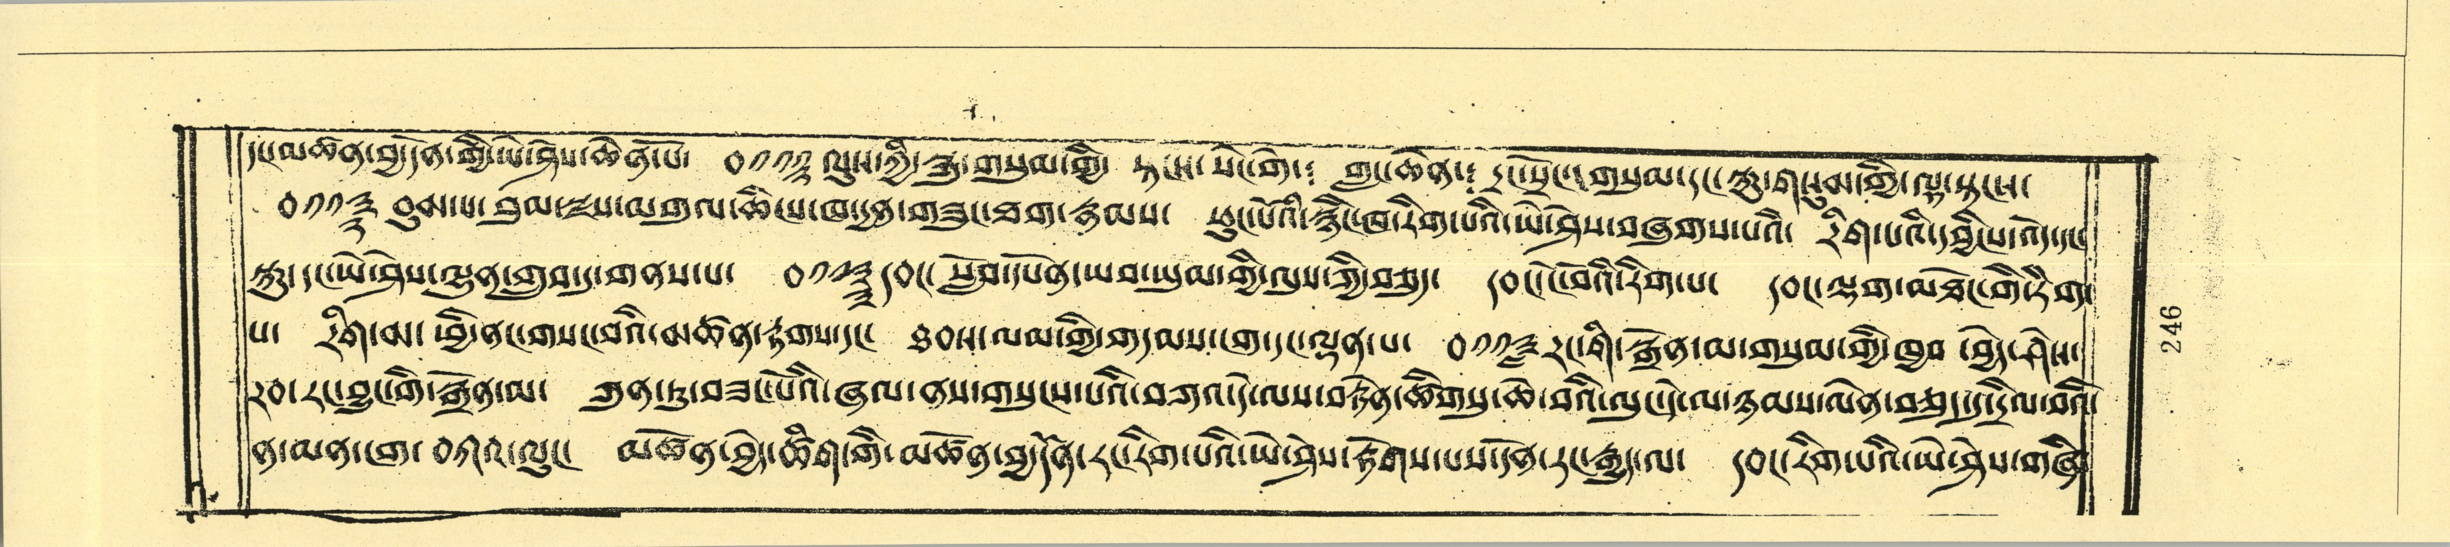དང་མཚན་བྱ་དོན་གྱི་ཡེ་ཤེས་ཆེནཔོ་བ༡༡༡།༢ ༼ལུས་ཀྱི་༽སྐུ་གསུམ་གྱི་ ༼སྟངས་༽སེང་གེ་་། གླང་ཆེན་་་། དྲང་སྲོང་་། གསུམ་དང་ ༼སྐུ་གསུམ་༽གྱི་ ༼ལྟ་སྟངས་
༽བ༡༡༣།༢ ༼བུམ་༽པ་བུམ་རྫས་མགུལ་ཆིངས་ཁ་རྒྱན་གཟུང་ཐག་རྣམས་ ༼ཕུང་པོའི་༽སྙིང་ཁ་རིག་པའི་ཡེ་ཤེས་བཞུགས་པའི། ༼རིག་པའི་༽དབྱིངས་འོད་དང་ 
༼སྐུ་༽དང་ཡེ་ཤེས་ལྷུན་གྲུབ་དུ་གནས་པ་བ༡༡༣།༣ ༼དབང་༽སློབ་དཔོན་ཡབ་ཡུམ་གྱི་ལུས་ཀྱི་བཅུད། ༼དབང་༽ངོ་བོའི་རིག་པ། ༼དབང་༽ལྷག་མཐོང་གི་རིག་
པ། ༼རིག་མ་༽ཕྱི་ནང་གསང་བའི་མཚན་རྟགས་དང། ༼ཐབས་༽ལམ་གྱི་གདམས་ངག་དང་ ༼ལྡན་༽པ་བ༡༡༣།༤ ༼རང་གི་༽སྒྲོན་མ་གསུམ་གྱི་ཁྱབ་བྱེད་ ༼ཤེས་
རབ་༽རང་བྱུང་གི་སྒྲོན་མ། ཀུན་ཏུ་བཟང་པོའི་ཞལ་ནས་གསུངས་པའི་བཀའ་དེ་ལས་བརྟེན་ཚིགས་སུ་ཆེ་བའི་ལུང་དེ་ལ་ཉམས་ལེན་བཅུད་དུ་དྲིལ་བའི་
ན་མན་ངག་ ༼བཀའ་ལུང་༽མཚོན་བྱེད་ ༼ཚིག་༽གི་མཚོན་བྱ་ ༼དོན་༽རང་རིག་པའི་ཡེ་ཤེས་རྟོགས་པས་དོན་རང་རྒྱུད་ལ། ༼དབང་༽རིག་པའི་ཡེ་ཤེས་གཞི་